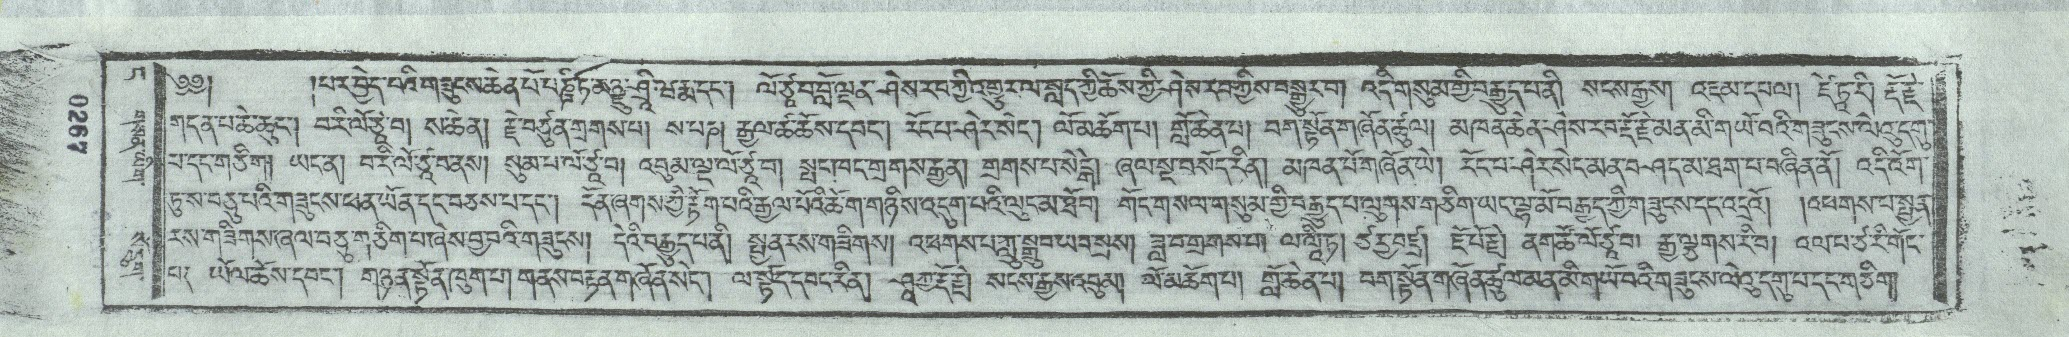༄༅། །པར་བྱེད་པའི་གཟུངས་ཆེན་པོ་པཎྜི་ཏ་མཉཛུ་ཤྲཱི་ཝ་རྨ་དང་། ལོ་ཙཱ་བ་བློ་ལྡན་ཤེས་རབ་ཀྱི་འགྱུར་ལ་སླད་ཀྱི་ཆོས་ཀྱི་ཤེས་རབ་ཀྱིས་བསྒྱུར་བ། འདི་གསུམ་གྱི་བརྒྱུད་བ་ནི། སངས་རྒྱས། འཇམ་དཔལ། ཛེ་ཏཱ་རི། རྡོ་རྗེ་
གདན་པ་ཆེ་ཆུང་། བ་རི་ལོ་ཙཱ་བ། ས་ཆེན། རྗེ་བཙུན་གྲགས་པ། ས་པཎ། རྒྱལ་ཚ་ཆོས་དབང་། རོང་པ་ཤེར་སེང་། ལོ་མཆོག་པ། གློ་ཆེན་པ། བག་སྟོན་གཞོན་ཚུལ། མཁན་ཆེན་ཤེས་རབ་རྡོ་རྗེ་མན་མི་གཡོ་བའི་གཟུངས་ལེའུ་དགུ་
པ་དང་གཅིག། ཡང་ན། པ་རི་ལོ་ཙཱ་བ་ནས། སུམ་པ་ལོ་ཙཱ་པ། འབུམ་ལྔ་ལོ་ཙཱ་བ། སྤང་ཁང་གྲགས་རྒྱན། གྲགས་པ་སེངྒེ། ཞལ་སྔ་བསོད་རིན། མཁན་པོ་གཞོན་ཡེ། རོང་བ་ཤེར་སང་མན་བཤད་མ་ཐག་བ་བཞིན་ནོ། འདི་འོག་
ཏུ་ས་བཅུ་པའི་གཟུངས་ཕན་ཡོན་དང་བཅས་པ་དང་། དོན་ཞགས་ཀྱི་རྟོག་བའི་རྒྱལ་པོའི་ཆོ་ག་གཉིས་འདུག་པའི་ལུང་མ་ཐོབ། གོང་གསལ་གསུམ་གྱི་བརྒྱུད་པ་ལུགས་གཅིག་ཡང་ལྷ་མོ་བརྒྱད་ཀྱི་གཟུངས་དང་འདྲའོ། །འཕགས་པ་སྤྱན་
རས་གཟིགས་ཞལ་བཅུ་གཅིག་པ་ཞེས་བྱ་བའི་གཟུངས། དེའི་བརྒྱུད་པ་ནི། སྤྱན་རས་གཟིགས། འཕགས་པ་ཀླུ་སྒྲུབ་ཡབ་སྲས། ཟླ་བ་གྲགས་པ། ལ་ལའི་ཏ། ཙརྱ་བྫྲ། ཇོ་པོ་རྗེ། ནག་ཚོ་ལོ་ཙཱ་བ། རྒྱ་ལྕགས་རི་བ། འླ་པ་རྩ་རི་གོང་
བ༑ ཡོལ་ཆོས་དབང་། གཉན་སྟོན་ཁུག་པ། གནས་བརྟན་གཞོན་སེང་། ལ་སྟོད་དབང་རིན། ཤཱཀྱ་རྡོ་རྗེ། སངས་རྒྱས་འབུམ། ལོ་མཆོག་པ། གློ་ཆེན་པ། བག་སྟོན་གཞོན་ཚུལ་མན་མི་གཡོ་བའི་གཟུངས་ལེའུ་དགུ་པ་དང་གཅིག།